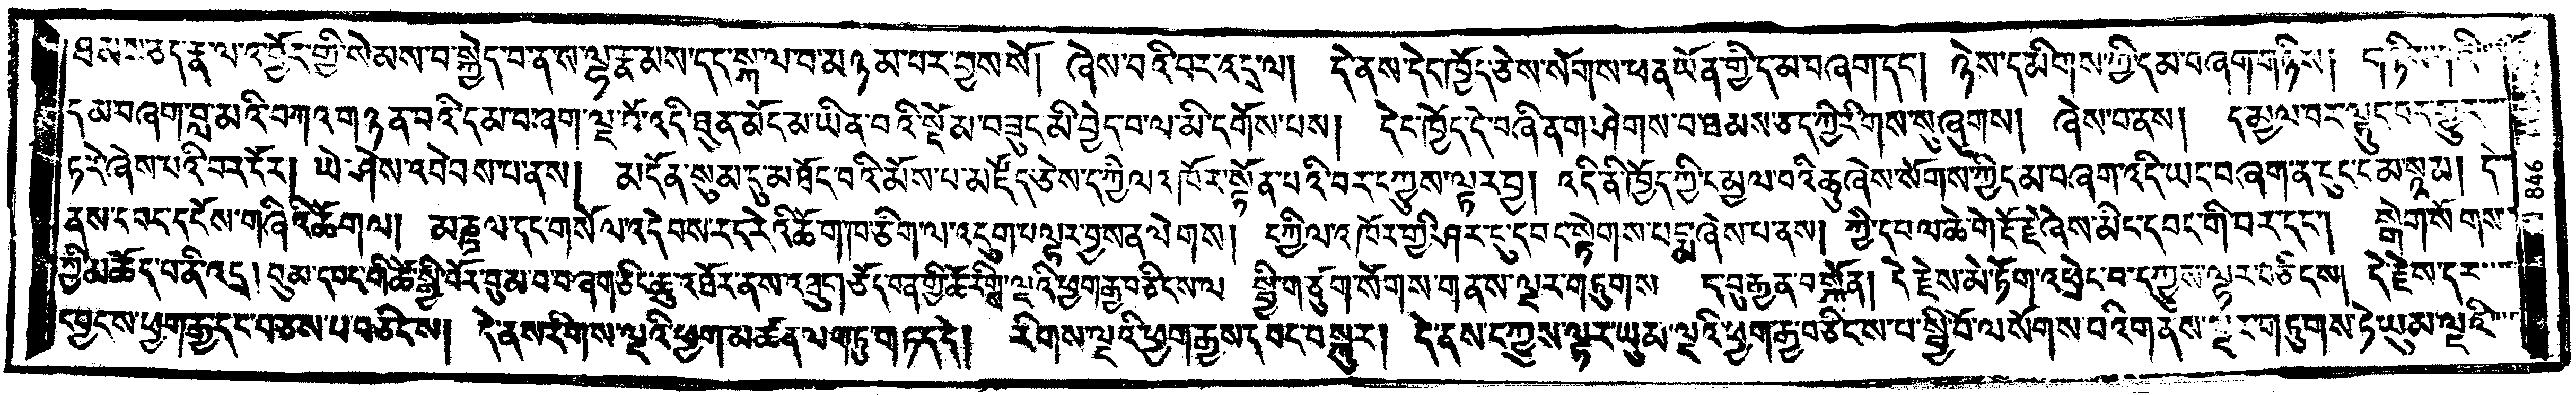ཐམས་ཅད་རྣལ་འབྱོར་གྱི་སེམས་བསྐྱེད་བ་ན་ས་ལྷ་རྣམས་དང་སྐལ་བ་མཉམ་པར་བྱས་སོ། ཞེས་བའི་བར་འདྲ་ལ། དེ་ནས་དེང་ཁྱོད་ཅེས་སོགས་ཕན་ཡོན་གྱི་དམ་བཞག་དང་། ཉེས་དམིགས་ཀྱི་དམ་བཞག་གཉིས། གཉིས་ཀའི་
དམ་བཞག་བླ་མའི་བཀའ་གཉན་བའི་དམ་བཞག་ལྔ་བོ་འདི་ཐུན་མོང་མ་ཡིན་བའི་སྡོམ་བཟུང་མི་བྱེད་བ་ལ་མི་དགོས་པས། དེང་ཁྱོད་དེ་བཞིན་གཤེགས་བ་ཐམས་ཅད་ཀྱི་རིགས་སུ་ཞུགས། ཞེས་པ་ནས། དམྱལ་བར་ལྟུང་བར་གྱུར་
ཏ་རེ་ཞེས་པའི་བར་དོར། ཡེ་ཤེས་འབེབས་པ་ནས། མངོན་སུམ་དུ་མཐོང་བའི་མོས་པ་མཛོད་ཅེས་དཀྱིལ་འཁོར་སྟོན་པའི་བར་དཀྱུས་ལྟར་བྱ། འདི་ནི་ཁྱོད་ཀྱི་དམྱལ་བའི་ཆུ་ཞེས་སོག་སྐྱི་དམ་བཞག་འདི་ཡང་བཞག་ན་དུང་དམ་སྙམ། དེ་
ནས་དབང་དངོས་གཞིའི་ཆོག་ལ། མཎྜལ་དང་གསོལ་འདེབས་རང་རེའི་ཆོ་ག་བརྩིག་ལ་འདུག་པ་ལྟར་བྱས་ན་ལེགས། དཀྱིལ་འཁོར་གྱི་ཤར་དུ་དབང་སྟེགས་པདམ་ཞེས་པ་ནས། ཀྱཻ་དཔལ་ཆེ་གེ་རྡོ་རྗེ་ཞེས་མིང་དབང་གི་བར་དང་། སྒིག་སོགས་
ཀྱི་མཆོད་པ་ནི་འདྲ། བུམ་དབང་གི་ཚེ་སྦྱི་བོར་བུམ་བ་བཞག་ཅིང་ཆུ་འཐོར་ནས་འཐུང་། ཅོད་བན་གྱི་ཆོ་རིགས་ལྔའི་ཕྱག་རྒྱ་བཅིངས་ལ། སྦྱི་གཙུག་སོགས་གནས་ལྔར་གཏུགས། དབུ་རྒྱན་བསྐོན། དེ་རྗེས་མེ་ཏོག་འཕྲེང་བ་དཀྱུས་ལྟར་བཅིངས། དེ་རྗེས་དར་
དབྱངས་ཕྱག་རྒྱ་དང་བཅས་པ་བཅིངས། དེ་ནས་རིགས་ལྔའི་ཕྱག་མཚན་ལག་ཏུ་གཏད་དེ། རིགས་ལྔའི་ཕྱག་རྒྱས་དབང་བསྐུར། དེ་ནས་དཀྱུས་ལྟར་ཡུམ་ལྔའི་ཕྱག་རྒྱ་བཅིངས་པ་སྤྱི་བོ་ལ་སོགས་པའི་གནས་ལྡར་གཏུགས་ཏེ་ཡུམ་ལྔའི་